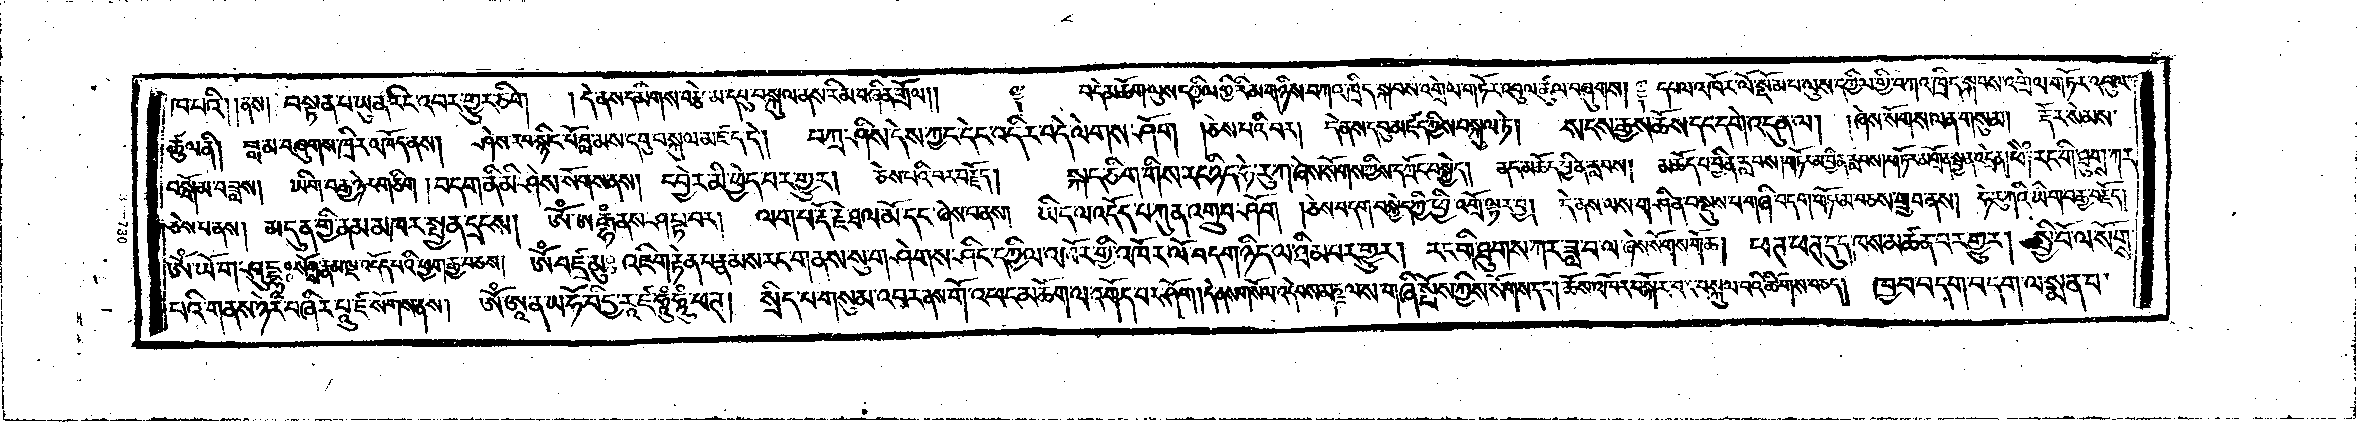ཁ་པའི། །ནས། བསྟན་པ་ཡུན་རིང་འབར་གྱུར་ཅིག །དེ་ནས་དམིགས་བརྩེ་མ་དབུ་བསྐུལ་ནས་རིམ་བཞིན་གྲོལ།། ༈ བདེ་མཆོག་ལུས་དཀྱིལ་གྱི་རིམ་གཉིས་བཀའ་ཁྲིད་སྐབས་འགྲེལ་གཏོར་འབུལ་ཚུལ་བཞུགས། ༈ དཔལ་འཁོར་ལོ་སྡོམ་པ་ལུས་དཀྱིལ་གྱི་བཀའ་ཁྲིད་སྐབས་འགྲེལ་གཏོར་འབུལ་
ཚུལ་ནི། བླ་མ་བཞུགས་ཁྲིར་འཁོད་ནས། ཤེས་རབ་སྙིང་པོ་བླ་མས་དབུ་བསྐུལ་མཛད་དེ། བཀྲ་ཤིས་དེས་ཀྱང་དེང་འདིར་བདེ་ལེགས་ཤོག །ཅེས་པའི་བར། དེ་ནས་དབུ་མཛད་ཀྱིས་བསྐུལ་ཏེ། སངས་རྒྱས་ཆོས་དང་དགེ་འདུན་ལ། །ཞེས་སོགས་ལན་གསུམ། རྡོར་སེམས་
བསྒོམ་བཟླས། ཡིག་བརྒྱ་ཉེར་གཅིག །བདག་ནི་མི་ཤེས་སོགས་ནས། དབྱེར་མི་ཕྱེད་པར་གྱུར། ཅེས་པའི་བར་བརྗོད། སྐད་ཅིག་གིས་རང་ཉིད་ཧེ་རུ་ཀ་ཞེས་སོགས་ཀྱིས་དཀྲོང་བསྐྱེད། ནང་མཆོད་བྱིན་རླབས། མཆོད་པ་བྱིན་རླབས། གཏོར་མ་བྱིན་རླབས། གཏོར་མགྲོན་སྤྱན་འདྲེན། ཕཻཾ། རང་གི་ཐུགས་ཀར་
ཅེས་པ་ནས། མདུན་གྱི་ནམ་མཁར་སྤྱན་དྲངས། ཨོཾ་ཨརྒྷཾ་ནས་ཤཔྟ་བར། ལག་པ་རྡོ་རྗེ་ཐལ་མོ་དང་ཞེས་པ་ནས། ཡིད་ལ་འདོད་པ་ཀུན་འགྲུབ་ཤོག །ཅེས་བདག་བསྐྱེད་ཀྱི་ཕྱི་འགྲོ་ལྟར་བྱ། དེ་ནས་ལས་གཤིན་བསྡུས་པ་གཞི་བདག་གཏོར་མ་བཅས་གྲུབ་ནས། ཧེ་རུ་ཀའི་ཡིག་བརྒྱ་བརྗོད།
ཨོཾ་ཡོ་ག་ཤུདྡྷཿ སོགས་རྣམ་ལྔ་འདོད་པའི་ཕྱག་རྒྱ་བཅས། ཨོཾ་བཛྲ་མུཿ འཇིག་རྟེན་པ་རྣམས་རང་གནས་སུ་གཤེགས་ཤིང་དཀྱིལ་འཁོར་གྱི་འཁོར་ལོ་བདག་ཉིད་ལ་ཐིམ་པར་གྱུར། རང་གི་ཐུགས་ཀར་ཟླ་བ་ལ་ཞེས་སོགས་གོ་ཆ། ཕཊ་ཕཊ་དུད་ཁས་མཚན་པར་གྱུར། སྤྱི་བོ་ལ་སོགས་
པའི་གནས་ཉེར་བཞིར་པཱུ་ཛ་སོགས་ནས། ཨོཾ་ཨཱ་ན་ཡ་ཧོ་བིདྱ་རཱ་ཛ་ཧཱུཾ་ཧཱུཾ་ཕཊ། སྲིད་པ་གསུམ་འབར་ནས་གོ་འཕང་མཆོག་ལ་འགོད་པར་ཤོག། དེ་ནས་གསོལ་འདེབས་མཎྜ་ལས་གཞི་སྤོས་ཀྱིས་སོགས་དང་། ཆོས་འཁོར་བསྐོར་བར་བསྐུལ་བའི་ཚིགས་བཅད། ཁྱབ་བདག་བདག་ལ་སྨན་པ་